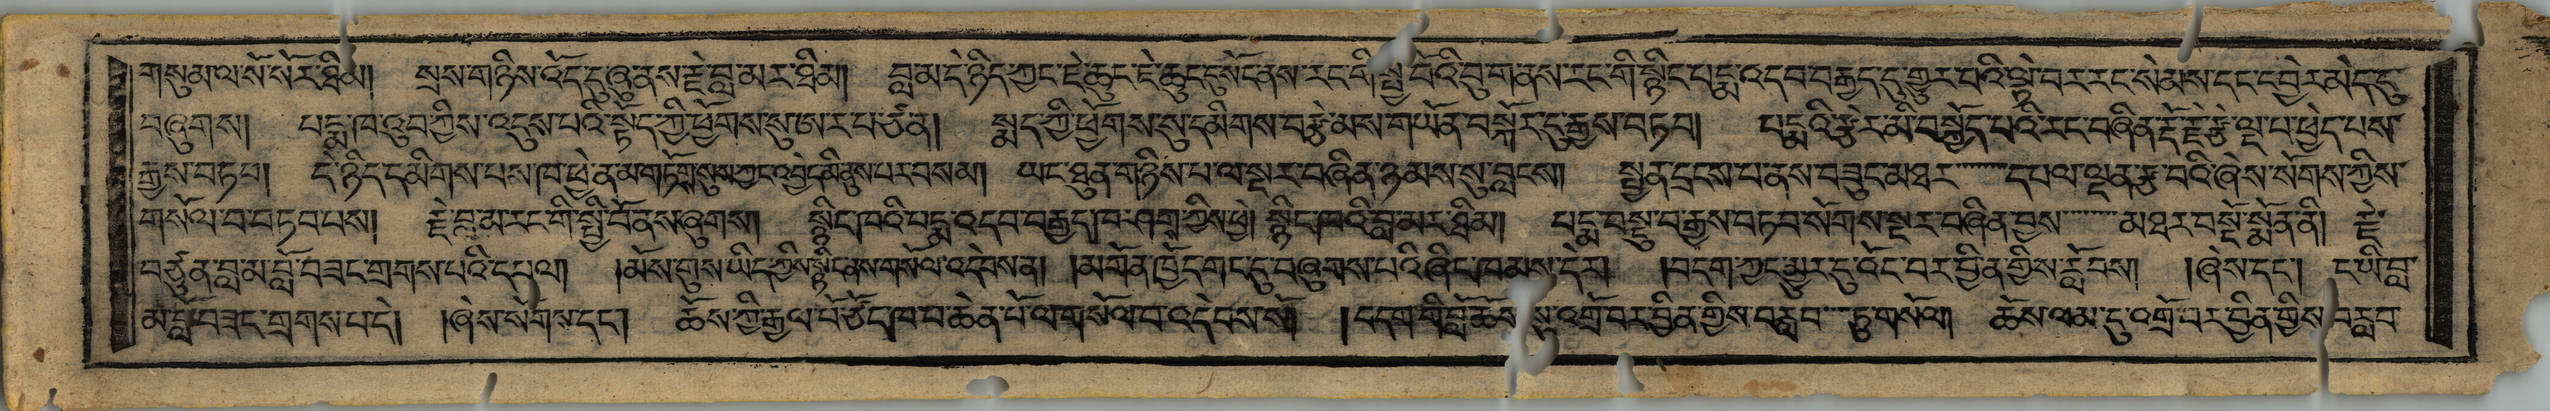གསུམ་ལ་སོ་སོར་ཐིམ། སྲས་གཉིས་འོད་དུ་ཞུ་ནས་རྗེ་གླ་མར་ཐིམ། བླ་མ་དེ་ཉིད་ཀྱང་ཇེ་ཆུང་ཇེ་ཆུང་ངུ་སོང་ནས་རང་གི་སྤྱི་བོའི་བུ་གནས་རང་གི་སྙིང་པདམ་འདབ་བརྒྱད་དུ་གྱུར་བའི་ལྟེ་བར་རང་སེམས་དང་དབྱེར་མེད་དུ་
བཞུགས། པདམ་ཁ་འུབ་ཀྱིས་འདུས་བའི་སྟོད་ཀྱི་ཕྱོགས་སུ་ཨ་ར་པ་ཙ་ན། སྨད་ཀྱི་ཕྱོགས་སུ་དམིགས་བརྩེམས་གཡོན་བསྐོར་དུ་རྒྱས་བཏབ། པདམའི་རྩེར་མི་བསྐྱོད་པའི་རང་བཞིན་རྡོ་རྗེ་རྩེ་ལྔ་པ་ཕྱེད་པས་
རྒྱས་བཏབ། དེ་ཉིད་དམིགས་པས་ཁ་ཕྱེ་ན་མ་གཏོགས་སུས་ཀྱང་འབྱེད་མི་ནུས་པར་བསམ། ཡང་ཐུན་གཉིས་པ་ལ་སྔར་བཞིན་ཉམས་སུ་བླངས། སྤྱན་དྲངས་པ་ནས་བཟུང་མཐར་དཔལ་ལྡན་རྩ་བའི་ཞེས་སོགས་ཀྱིས་
གསོལ་བ་བཏབ་པས། རྗེ་བླ་མ་རང་གི་སྤྱི་བོ་ནས་ཞུགས། སྙིང་ཁའི་པདམ་འདབ་བརྒྱད་ཁ་ཤགས་ཀྱིས་ཕྱེ། སྙིང་ཁའི་བླ་མར་ཐིམ། པདམ་བསྡུ་བ་རྒྱས་བཏབ་སོགས་སྔར་བཞིན་བྱས་མཐར་བསྔོ་སྨོན་ནི། རྗེ་
བཙུན་བླ་མ་བློ་བཟང་གྲགས་པའི་དཔལ། །མོས་གུས་ཡིད་ཀྱིས་སྙིང་ནས་གསོལ་འདེབས་ན། །མགོན་ཁྱོད་གང་དུ་བཞུགས་པའི་ཞིང་ཁམས་དེར། །བདག་ཀྱང་མྱུར་དུ་འོང་བར་བྱིན་གྱིས་རློབས། །ཞེས་དང་། ང་ཡི་བླ་
མ་བློ་བཟང་གྲགས་པ་དེ། །ཞེས་སོགས་དང་། ཆོས་ཀྱི་རྒྱལ་པོ་ཙོང་ཁ་བ་ཆེན་པོ་ལ་གསོལ་བ་འདེབས་སོ། །བདག་གི་བློ་ཆོས་སུ་འགྲོ་བར་བྱིན་གྱིས་བརླབ་ཏུ་གསོལ། ཆོས་ལམ་དུ་འགྲོ་བར་བྱིན་གྱིས་བརླབ་